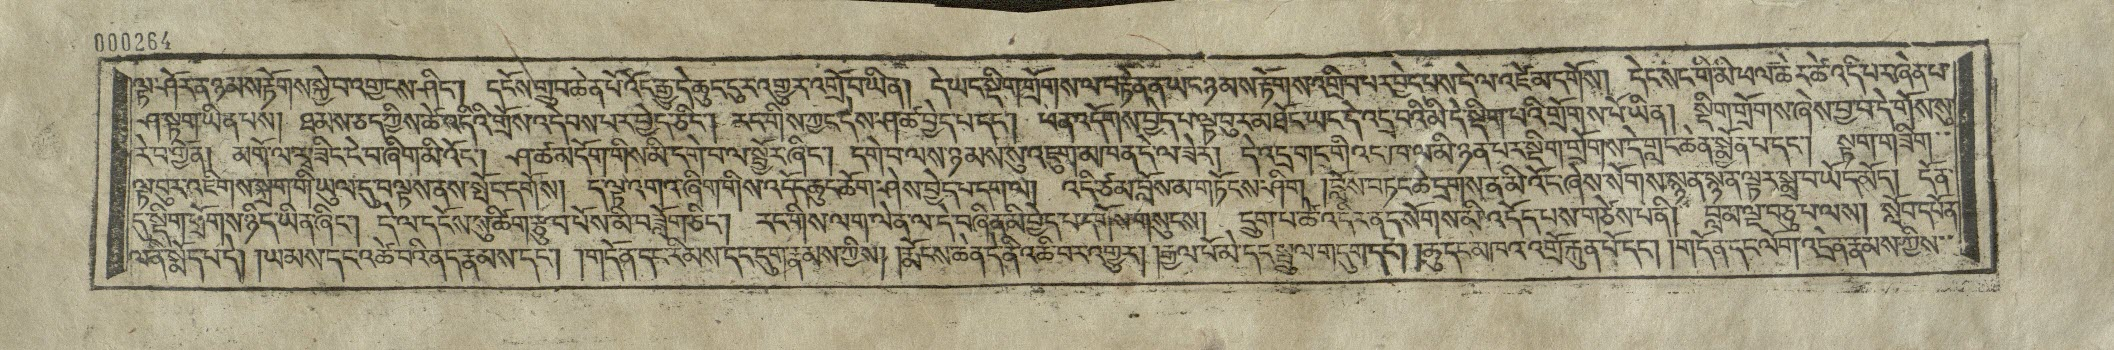ལྟ་ཤོར་ན་ཉམས་རྟོགས་སྐྱེ་བ་འགྱངས་ཤིང་། དངོས་གྲུབ་ཆེན་པོ་འོང་རྒྱུ་དེ་ཆུང་ངུར་འགྱུར་འགྲོ་བ་ཡིན། དེ་ཡང་སྡིག་གྲོགས་ལ་བརྟེན་ན་ཡང་ཉམས་རྟོགས་འགྲིབ་པར་བྱེད་པས་དེ་ལ་འཛེམ་དགོས། དེང་སང་གི་མི་ཕལ་ཆེར་ཚེ་འདི་པར་ཞེན་པ་
ཤ་སྟག་ཡིན་པས། ཐམས་ཅད་ཀྱིས་ཚེ་འདིའི་གྲོས་འདེབས་པར་བྱེད་ཅིང་། རང་གིས་ཀྱང་དེས་ཤ་ཚ་བྱེད་པ་དང་། ཕན་འདོགས་བྱེད་པ་ལྟ་བུར་མཐོང་ཡང་དེ་འདྲ་བའི་མི་དེ་སྡིག་པའི་གྲོགས་པོ་ཡིན། སྡིག་གྲོགས་ཞེས་བྱ་བ་དེ་གོས་སུ་
རེ་བ་གྱོན། མགོ་ལ་རྭ་ཟིང་ངེ་བ་ཞིག་མི་འོང་། ཤ་ཚ་མདོག་གིས་མི་དགེ་བ་ལ་སྦྱོར་ཞིང་། དགེ་བ་ལས་ཉམས་སུ་འཇུག་མཁན་དེ་ལ་ཟེར། དེ་འདྲ་གང་གིའང་ཁ་ལ་མི་ཉན་པར་སྡིག་གྲོགས་དེ་གླང་ཆེན་སྨྱོན་པ་དང་། སྟག་གཟིག་
ལྟ་བུར་འཇིགས་སྐྲག་གི་ཡུལ་དུ་བལྟས་ནས་སྤོང་དགོས། ད་ལྟ་འགའ་ཞིག་གིས་འདོད་ཆུང་ཆོག་ཤེས་བྱེད་པ་དག་ལ། འདི་ཙམ་བློས་མ་གཏོངས་ཤིག །བློས་བཏང་ཆེ་དྲགས་ན་མི་འོང་ཞེས་སོགས་སྙན་སྙན་ལྟར་སྨྲ་བ་ཡོད་མོད། དོན་
དུ་སྡིག་གྲོགས་ཉིད་ཡིན་ཞིང་། དེ་ལ་དངོས་སུ་ཚིག་རྩུབ་པོས་མི་བཟློག་ཅིང་། རང་གིས་ལག་ལེན་ལ་དེ་བཞིན་མི་བྱེད་པ་དགོས་གསུངས། དྲུག་པ་ཚེ་འདིར་ནད་སོགས་མི་འདོད་པས་གཙེས་པ་ནི། བླ་མ་ལྔ་བཅུ་པ་ལས། སློབ་དཔོན་
ལ་ནི་སྨོད་པ་དེ། །ཡམས་དང་འཚེ་བའི་ནད་རྣམས་དང་། །གདོན་དང་རིམས་དང་དུག་རྣམས་ཀྱིས། །རྨོངས་ཆེན་དེ་ནི་འཆི་བར་འགྱུར། །རྒྱལ་པོ་མེ་དང་སྦྲུལ་གདུག་དང་། །ཆུ་དང་མཁའ་འགྲོ་རྐུན་པོ་དང་། །གདོན་དང་ལོག་འདྲེན་རྣམས་ཀྱིས་